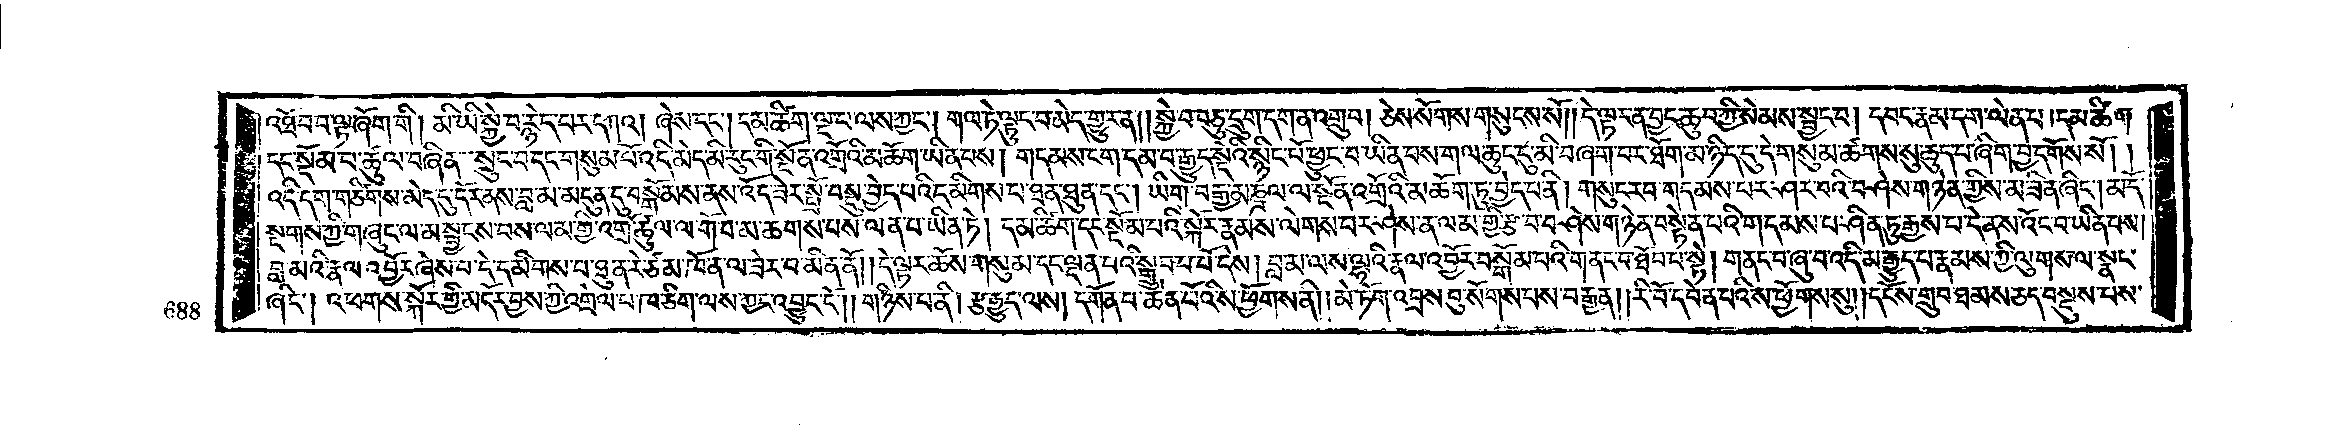འཐོབ་པ་ལྟ་ཞོག་གི །མི་ཡི་སྐྱེ་བ་རྙེད་པར་དཀའ། ཞེས་དང་། དམ་ཚིག་ལྔ་པ་ལས་ཀྱང་། གལ་ཏེ་ལྟུང་བ་མེད་གྱུར་ན། །སྐྱེ་བ་བཅུ་དྲུག་དག་ན་འགྲུབ། ཅེས་སོགས་གསུངས་སོ། །དེ་ལྟར་ན་བྱང་ཆུབ་ཀྱི་སེམས་སྦྱང་བ། དབང་རྣམ་དག་ལེན་པ། དམ་ཚིག་
དང་སྡོམ་པ་ཚུལ་བཞིན་སྲུང་བ་དང་གསུམ་པོ་འདི་མེད་མི་རུང་གི་སྔོན་འགྲོའི་མཆོག་ཡིན་པས། གདམས་ངག་དམ་པ་རྒྱུད་སྡེའི་སྙིང་པོ་ཕྱུང་བ་ཡིན་པས་གལ་ཆུང་དུ་མི་བཞག་པར་ཐོག་མ་ཉིད་དུ་དེ་གསུམ་ཚགས་སུ་ཆུད་པ་ཞིག་བྱ་དགོས་སོ། །
འདི་དག་གཙིགས་མེད་དུ་དོར་ནས་བླ་མ་མདུན་དུ་བསྒོམས་ནས་འོད་ཟེར་སྤྲོ་བསྡུ་བྱེད་པའི་དམིགས་པ་ཐན་ཐུན་དང་། ཡིག་བརྒྱ་མཎྜལ་ལ་སྔོན་འགྲོའི་མཆོག་ཏུ་བྱེད་པ་ནི། གསུང་རབ་གདམས་པར་ཤར་བའི་བཤེས་གཉེན་གྱིས་མ་ཟིན་ཞིང་།
མདོ་སྔགས་ཀྱི་གཞུང་ལ་མ་སྦྱོངས་པས་ལམ་གྱི་འགྲོ་ཚུལ་ལ་གོ་བ་མ་ཆགས་པས་ལན་པ་ཡིན་ཏེ། དམ་ཚིག་དང་སྡོམ་པའི་སྐོར་རྣམས་ལེགས་པར་ཤེས་ན་ལམ་གྱི་རྩ་བ་བཤེས་གཉེན་བསྟེན་པའི་གདམས་པ་ཤིན་ཏུ་རྒྱས་པ་དེ་ནས་འོང་བ་ཡིན་པས།
བླ་མའི་རྣལ་འབྱོར་ཞེས་པ་དེ་དམིགས་པ་ཐུན་རེ་ཙམ་ཁོ་ན་ལ་ཟེར་བ་མིན་ནོ། །དེ་ལྟར་ཆོས་གསུམ་དང་ལྡན་པའི་སྒྲུབ་པ་པོ་དེས། བླ་མ་ལས་ལྷའི་རྣལ་འབྱོར་བསྒོམ་པའི་གནང་བ་ཐོབ་པ་སྟེ། གནང་བ་ཞུ་བ་འདི་མ་རྒྱུད་པ་རྣམས་ཀྱི་ལུགས་ལ་སྣང་
ཞིང་། འཕགས་སྐོར་གྱི་མདོར་བྱས་ཀྱི་འགྲེལ་པ་ཁ་ཅིག་ལས་ཀྱང་འབྱུང་ངོ། །གཉིས་པ་ནི། རྩ་རྒྱུད་ལས། དགོན་པ་ཆེན་པོའི་ས་ཕྱོགས་ནི། །མེ་ཏོག་འབྲས་བུ་སོགས་པས་བརྒྱན། །རི་བོ་དབེན་པའི་ས་ཕྱོགས་སུ། །དངོས་གྲུབ་ཐམས་ཅད་བསྡུས་པས་